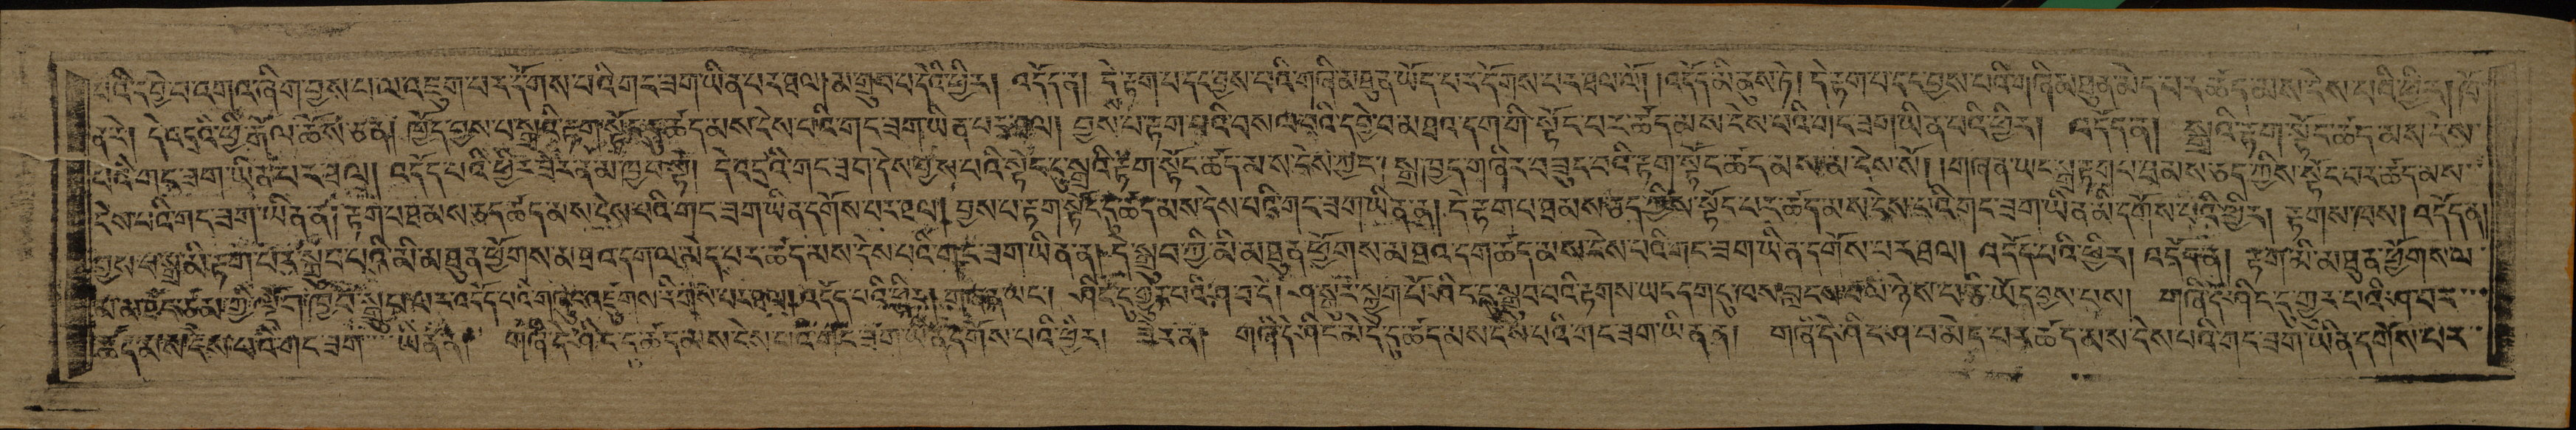པའི་དབྱེ་བ་འགའ་ཞིག་བྱས་པ་ལ་འཇུག་པར་དོགས་པའི་གང་ཟག་ཡིན་པར་ཐལ། མ་གྲུབ་པ་དེའི་ཕྱིར། འདོད་ན། དེས་རྟག་པ་དང་བྱས་པའི་གཞི་མཐུན་ཡོད་པར་དོགས་པར་ཐལ་ལོ། །འདོད་མི་ནུས་ཏེ། དེ་རྟག་པ་དང་བྱས་པའི་གཞི་མཐུན་མེད་པར་ཚད་མས་ངེས་པའི་ཕྱིར། ཁོ་
ན་རེ། དེ་འདྲའི་ཕྱི་རྒོལ་ཆོས་ཅན། ཁྱོད་བྱས་པ་སྒྲའི་རྟག་སྟོང་དུ་ཚད་མས་ངེས་པའི་གང་ཟག་ཡིན་པར་ཐལ། བྱས་པ་རྟག་པའི་གསལ་བའི་དབྱེ་བ་མཐའ་དག་གི་སྟོང་པར་ཚད་མས་ངེས་པའི་གང་ཟག་ཡིན་པའི་ཕྱིར། འདོད་ན། སྒྲའི་རྟག་སྟོང་ཚད་མས་ངེས་
པའི་གང་ཟག་ཡིན་པར་ཐལ། འདོད་པའི་ཕྱིར་ཟེར་ན་མ་ཁྱབ་སྟེ། དེ་འདྲའི་གང་ཟག་དེས་བྱས་པའི་སྟེང་དུ་སྒྲའི་རྟག་སྟོན་ཚད་མས་ངེས་ཀྱང་། སྒྲ་ཁྱད་གཞིར་བཟུང་བའི་རྟག་སྟོང་ཚད་མས་མ་ངེས་སོ། །གཞན་ཡང་སྒྲ་རྟག་པ་ཐམས་ཅད་ཀྱིས་སྟོང་བར་ཚད་མས་
ངེས་པའི་གང་ཟག་ཡིན་ན། རྟག་པ་ཐམས་ཅད་ཚད་མས་ངེས་པའི་གང་ཟག་ཡིན་དགོས་པར་ཐལ། བྱས་པ་རྟག་སྟོང་དུ་ཚད་མས་ངེས་པའི་གང་ཟག་ཡིན་ན། དེ་རྟག་པ་ཐམས་ཅད་ཀྱིས་སྟོང་པར་ཚད་མས་ངེས་པའི་གང་ཟག་ཡིན་མི་དགོས་པའི་ཕྱིར། རྟགས་ཁས། འདོད་ན།
བྱས་པ་སྒྲ་མི་རྟག་པར་སྒྲུབ་པའི་མི་མཐུན་ཕྱོགས་མཐའ་དག་ལ་མེད་པར་ཚད་མས་ངེས་པའི་གང་ཟག་ཡིན་ན། དེ་སྒྲུབ་ཀྱི་མི་མཐུན་ཕྱོགས་མཐའ་དག་ཚད་མས་ངེས་པའི་གང་ཟག་ཡིན་དགོས་པར་ཐལ། འདོད་པའི་ཕྱིར། འདོད་ན། རྟག་མི་མཐུན་ཕྱོགས་ལ་
མ་མཐོང་ཙམ་གྱི་ལྡོག་ཁྱབ་སྒྲུབ་པར་འདོད་པའི་གཞུང་འཛུགས་རིགས་པར་ཐལ། འདོད་པའི་ཕྱིར། གཞན་ཡང་། ཤིང་དུ་གྱུར་པའི་ཤ་བ་དེ། ཤ་སྒུར་སྐྱུག་པོ་ཤིང་དུ་སྒྲུབ་པའི་རྟགས་ཡང་དག་དུ་ཁས་བླངས་པ་ལ་ཉེས་པ་ཅི་ཡོད་བྱས་པས། གཞི་དེ་ཤིང་དུ་གྱུར་པའི་ཤ་བར་
ཚད་མས་ངེས་པའི་གང་ཟག་ཡིན་ན། གཞི་དེ་ཤིང་དུ་ཚད་མས་ངེས་པའི་གང་ཟག་ཡིན་དགོས་པའི་ཕྱིར། ཟེར་ན། གཞི་དེ་ཤིང་མེད་དུ་ཚད་མས་ངེས་པའི་གང་ཟག་ཡིན་ན། གཞི་དེ་ཤིང་ཤ་བ་མེད་པར་ཚད་མས་ངེས་པའི་གང་ཟག་ཡིན་དགོས་པར་